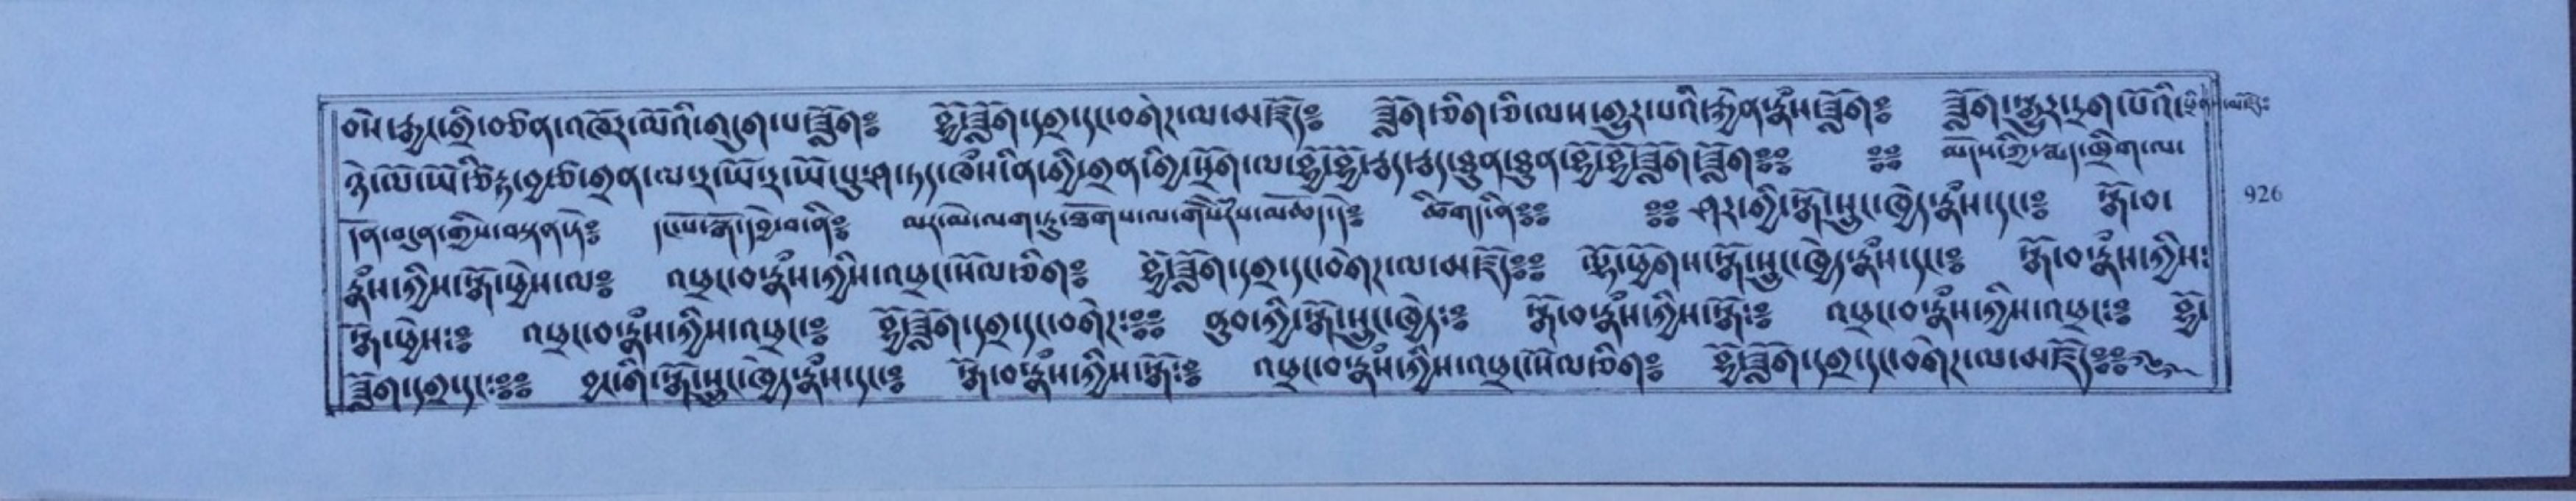བསེ་རྒྱང་གྲི་བཙན་འཁོར་ལོའི་གདུག་པ་ཟློག༔ བྷྱོ་ཟློག་དགྲ་དང་བགེགས་ལ་མཛོད༔ ཟློག་ཅིག་ཅི་ལས་གྱུར་པའི་རྐྱེན་རྣམས་ཟློག༔ ཟློག་སྒྱུར་དྲག་པོའི་ཕྲིན་ལས་མཛོད༔ 
ཉེ་ལོ་ཡོ་ཙིཏྟ་བྱ་ཙ་གྲན་ལ་ར་ཡོ་ར་ཡོ་པུ་ཤ་ཏད་ཁམས་ནི་གྱི་གྲན་གྱི་སྲོག་ལ་བྷྱོ་བྷྱོ་རྦད་རྦད་ཐུན་ཐུན་བྷྱོ་བྷྱོ་ཟློག་ཟློག༔༔ ༔༔མདོས་ཀྱི་སྨད་ཁྲིག་ལ་
དོན་བདུན་གྱིས་བསྟན་ཏེ༔ དང་པོ་སྒོ་དབྱེ་བ་ནི༔ མར་མེ་ལག་ཏུ་ཐོགས་ལ་གསེར་སྐྱེམས་མཆོད་དེ༔ ཚིག་བཤད་ནི༔༔ ༔༔ཤར་གྱི་སྒོ་སྲུང་ཁྱེད་རྣམས་དང་༔ སྒོ་བ་
རྣམས་ཀྱིས་སྒོ་ཕྱེས་ལ༔ འཕྲང་བ་རྣམས་ཀྱིས་འཕྲང་སོལ་ཅིག༔ བྷྱོ་ཟློག་དགྲ་དང་བགེགས་ལ་མཛོད༔༔ ལྷོ་ཕྱོགས་སྒོ་སྲུང་ཁྱེད་རྣམས་དང་༔ སྒོ་བ་རྣམས་ཀྱིས་
སྒོ་ཕྱེས༴༔ འཕྲང་བ་རྣམས་ཀྱིས་འཕྲང་༔ བྷྱོ་ཟློག་དགྲ་དང་བགེགས༴༔༔ ནུབ་ཀྱི་སྒོ་སྲུང་ཁྱེད༴༔ སྒོ་བ་རྣམས་ཀྱིས་སྒོ༴༔ འཕྲང་བ་རྣམས་ཀྱིས་འཕྲང༴༔ བྷྱོ་
ཟློག་དགྲ་དང་༴༔༔ བྱང་གི་སྒོ་སྲུང་ཁྱེད་རྣམས་དང་༔ སྒོ་བ་རྣམས་ཀྱིས་སྒོ༴༔ འཕྲང་བ་རྣམས་ཀྱིས་འཕྲང་སོལ་ཅིག༔ བྷྱོ་ཟློག་དགྲ་དང་བགེགས་ལ་མཛོད༔༔